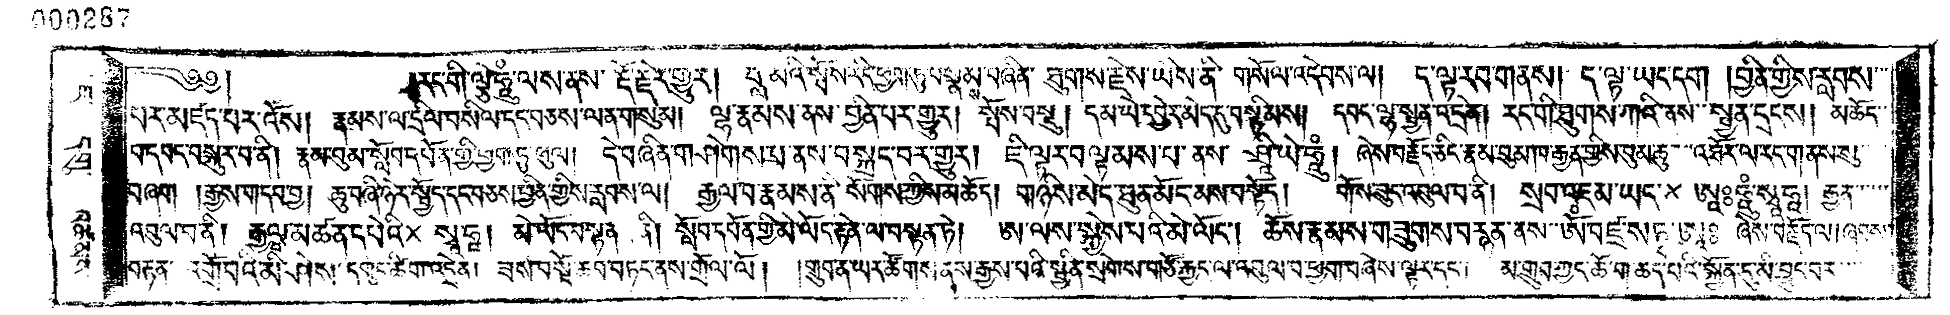༄༅། །རང་གི་ལྕེ་ཧཱུཾ་ལས་ནས་རྡོ་རྗེར་གྱུར། བླ་མའི་སྤོས་རིང་ཕྱག་ཏུ་བསྣམས་བཞིན་ཐུགས་རྗེས་ཡིས་ནི་གསོལ་འདེབས་ལ།  ད་ལྟ་རབ་གནས། ད་ལྟ་ཡང་དག །བྱིན་གྱིས་རླབས་
པར་མཛད་པར་འོས། རྣམས་ལ་དྲིལ་བསིལ་དང་བཅས་ལན་གསུམ།  ལྷ་རྣམས་ནས་བྱིན་པར་གྱུར། སྤོས་བསྡུ། དམ་ཡེ་དབྱེར་མེད་དུ་བསྟིམས། དབང་ལྷ་སྤྱན་འདྲེན།  རང་གི་ཐུགས་ཀའི་ནས་སྤྱན་དྲངས། མཆོད་
པ་དབང་བསྐུར་བ་ནི། རྣམ་བུམ་སློབ་དཔོན་གྱི་ཕྱག་ཏུ་ཕུལ། དེ་བཞིན་གཤེགས་པ་ནས་བསྐྲད་པར་གྱུར། ཇི་ལྟར་བལྟམས་པ་ནས་ཤྲཱི་ཡེ་ཧཱུཾ། ཞེས་བརྗོད་ཅིང་རྣམ་བུམ་ཁ་རྒྱན་གྱིས་བུམ་ཆུ་འཐོར་ལ་རང་གནས་སུ་
བཞག །རྒྱས་གདབ་བྱ། ཆུ་བཞི་ཉེར་སྤྱོད་དང་བཅས་བྱིན་གྱིས་རླབས་ལ། རྒྱལ་བ་རྣམས་ནི་སོགས་ཀྱིས་མཆོད། གཉིས་མེད་ཐུན་མོང་མས་བསྟོད། གོས་ཟུང་འབུལ་བ་ནི།  སྲབ་འཇམ་ཡང྾་ཨཱཿ ཧཱུཾ་སྭཱ་ཧཱ། རྒྱན་
འབུལ་བ་ནི། རྒྱལ་བ་མཚན་དཔེའི྾་སྭཱ་ཧཱ། མེ་ལོང་བསྟན་པ་ནི། སློབ་དཔོན་གྱི་མེ་ལོང་རྟེན་ལ་བསྟན་ཏེ།  ཨ་ལས་སྐྱེས་པའི་མེ་ལོང་། ཆོས་རྣམས་གཟུགས་བརྙན་ནས་ཨོཾ་བཛྲ་ས་ཏྭ་ཨཱཿ ཞེས་བརྗོད་ལ། ཞབས་
བརྟན་འགྲོ་བའི་མི་ཤེས་དགུང་ཚིག་འདྲེན། ཟས་བསྔོ་ཆབ་བཏང་ནས་གྲོལ་ལོ། །གྲུབ་ན་ཡར་ཚོགས་ནས་རྒྱས་པའི་སྦྱིན་སྲེགས་གཙོ་རྐྱང་ལ་འབུལ་བ་ཕྱག་བཞེས་ལྟར་དང་། མ་གྲུབ་ཀྱང་ཆོ་ག་ཆད་པའི་སྐྱོན་དུ་མི་བྱུང་བར་